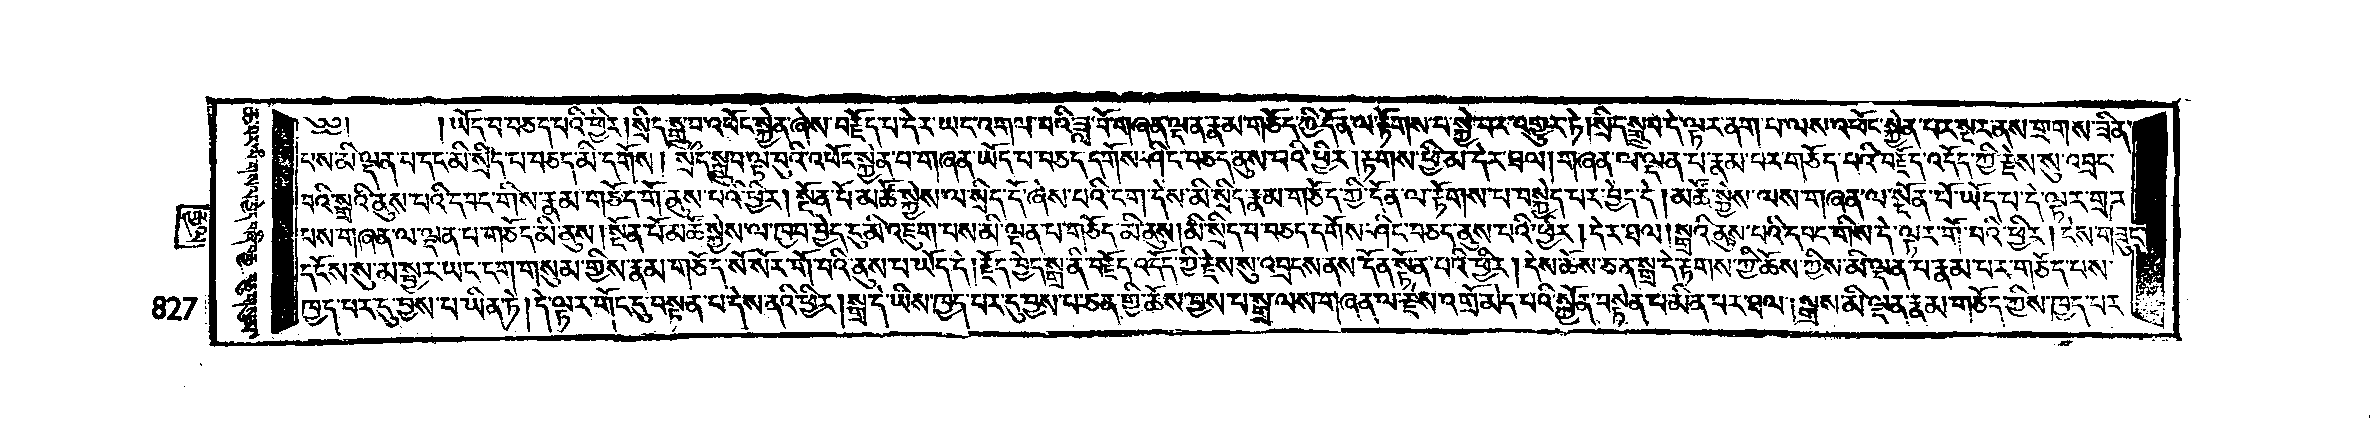༄༅། །ཡོད་པ་བཅད་པའི་ཕྱིར། སྲིད་སྒྲུབ་འཕོང་སྐྱེན་ཞེས་བརྗོད་པ་དེར་ཡང་འགལ་བའི་ཟླ་བོ་གཞན་ལྡན་རྣམ་གཅོད་ཀྱི་དོན་ལ་རྟོགས་པ་སྐྱེ་བར་འགྱུར་ཏེ། སྲིད་སྒྲུབ་དེ་ལྟར་ནག་པ་ལས་འཕོང་སྐྱེན་པར་སྔར་ནས་གྲགས་ཟིན་
པས་མི་ལྡན་པ་དང་མི་སྲིད་པ་བཅད་མི་དགོས། སྲིད་སྒྲུབ་ལྟ་བུའི་འཕོང་སྐྱེན་པ་གཞན་ཡོད་པ་བཅད་དགོས་ཤིང་བཅད་ནུས་པའི་ཕྱིར། རྟགས་ཕྱི་མ་དེར་ཐལ། གཞན་ལ་ལྡན་པ་རྣམ་པར་གཅོད་པའི་བརྗོད་འདོད་ཀྱི་རྗེས་སུ་འབྲང་
བའི་སྒྲའི་ནུས་པའི་དབང་གིས་རྣམ་གཅོད་གོ་ནུས་པའི་ཕྱིར། སྔོན་པོ་མཚོ་སྐྱེས་ལ་སྲིད་དོ་ཞེས་པའི་ངག་དེས་མི་སྲིད་རྣམ་གཅོད་ཀྱི་དོན་ལ་རྟོགས་པ་བསྐྱེད་པར་བྱེད་དེ། མཚོ་སྐྱེས་ལས་གཞན་ལ་སྔོན་པོ་ཡོད་པ་དེ་ལྟར་གྲགས་
པས་གཞན་ལ་ལྡན་པ་གཅོད་མི་ནུས། སྔོན་པོ་མཚོ་སྐྱེས་ལ་ཁྱབ་བྱེད་དུ་མི་འཇུག་པས་མི་ལྡན་པ་གཅོད་མི་ནུས། མི་སྲིད་པ་བཅད་དགོས་ཤིང་བཅད་ནུས་པའི་ཕྱིར། དེར་ཐལ། སྒྲའི་ནུས་པའི་དབང་གིས་དེ་ལྟར་གོ་བའི་ཕྱིར། ངེས་གཟུང་
དངོས་སུ་མ་སྦྱར་ཡང་དག་གསུམ་གྱིས་རྣམ་གཅོད་སོ་སོར་གོ་བའི་ནུས་པ་ཡོད་དེ། རྗོད་བྱེད་སྒྲ་ནི་བརྗོད་འདོད་ཀྱི་རྗེས་སུ་འབྲངས་ནས་དོན་སྟོན་པའི་ཕྱིར། དེས་ཆོས་ཅན་སྒྲ་དེ་རྟགས་ཀྱི་ཆོས་ཀྱིས་མི་ལྡན་པ་རྣམ་པར་གཅོད་པས་
ཁྱད་པར་དུ་བྱས་པ་ཡིན་ཏེ། དེ་ལྟར་གོང་དུ་བསྟེན་པ་དེས་ནའི་ཕྱིར། སྒྲ་དེ་ཡིས་ཁྱད་པར་དུ་བྱས་པ་ཅན་གྱི་ཆོས་བྱས་པ་སྒྲ་ལས་གཞན་ལ་རྗེས་འགྲོ་མེད་པའི་སྐྱོན་བསྟེན་པ་མིན་པར་ཐལ། སྒྲས་མི་ལྡན་རྣམ་གཅོད་ཀྱིས་ཁྱད་པར་